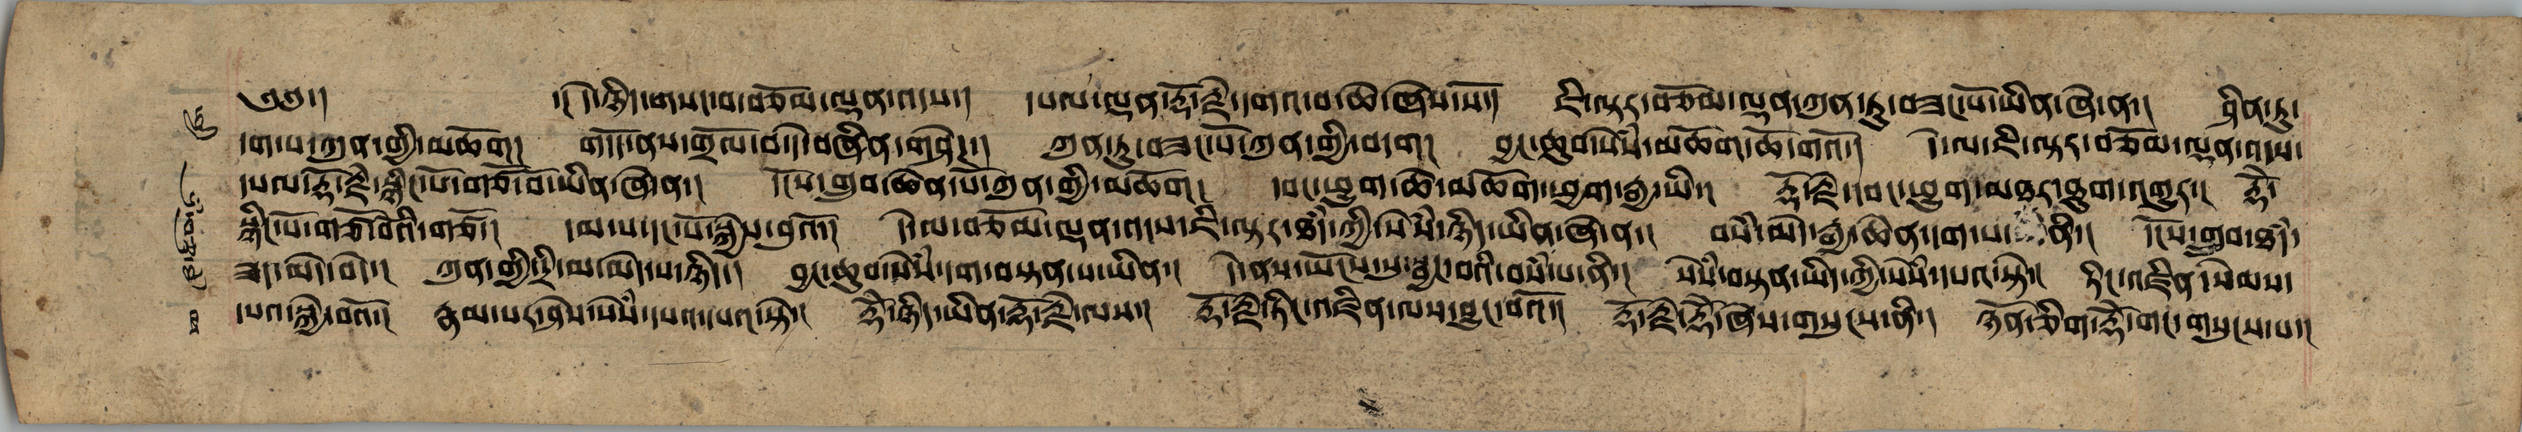༄༅་། ་།དེ་ཉིད་གསང་བ་བཅོམ་ལྡན་འདས་། དཔལ་ལྡན་རྡོ་རྗེ་དགའ་བ་ཆེ་ཞེས་སོ་། ཇི་ལྟར་བཅོམ་ལྡན་ཀུན་ཏུ་བཟང་པོ་ཡིན་ཞེ་ན་། ཤིན་ཏུ་
དག་པ་ཀུན་གྱི་མཆོག། གདོད་ནས་གྲོལ་བ་དེ་བཞིན་གཤེཌ་། ཀུན་ཏུ་བཟང་པོ་ཀུན་གྱི་བདག། བྱང་ཆུབ་སེཾས་མཆོག་ཆོ་གའོ་། དེ་ལ་ཇི་ལྟར་བཅོམ་ལྡན་འདས་
དཔལ་རྡོ་རྗེ་སྙིང་པོ་གཙོ་བོ་ཡིན་ཞེ་ན་། དངོས་གྲུབ་ཆེན་པོ་ཀུན་གྱི་མཆོག། དབང་ཕྱུག་ཆེ་མཆོག་ཕྱག་རྒྱ་ཡི་། རྡོ་རྗེ་དབང་ཕྱུག་མཐར་ཐུག་འགྱུར་། རྡོེ་
སྙིང་པོ་གཙོ་བོའི་གཙོ་། དམ་པ་དང་པོ་སྐྱེས་བུའོ་། དེ་ལ་བཅོམ་ལྡན་འདས་ཇི་ལྟར་ཐདཾ་ཀྱི་སེཾས་ཉིད་ཡིན་ཞེ་ན་། བསཾ་མེད་རྒྱ་ཆེན་དག་པ་ ནི་། དངོས་གྲུབ་ཐདཾ་
ཟད་མེད་བདེ་། ཀུན་གྱི་དྲི་མ་མེད་པ་ཉིད་། བྱང་ཆུབ་སེཾས་དག་བསྟན་པ་ཡིན་། དེ་ནས་ཡོངས་སུ་སྦྱང་བའི་བསཾ་པ་ནི་། སེཾས་བསྟན་ཡིད་ཀྱི་སེཾས་དཔའ་སྟེ་། ཏིང་འཛིན་སེམས་
དཔའ་སྐྱེ་བའོ་། རྣམ་པར་ཤེས་སེཾས་དཔའ་དཔའ་སྟེ་། རྡོེ་ཉིད་ཡིན་རྡོ་རྗེ་ལས་། རྡོ་རྗེ་ཏིང་འཛིན་ལས་བྱུང་བའོ་། རྡོ་རྗེ་རྡོེ་ཞེས་གསུངས་ནི་། ཉོན་ཅིག་རྡོེ་གང་གསུངས་པ་།